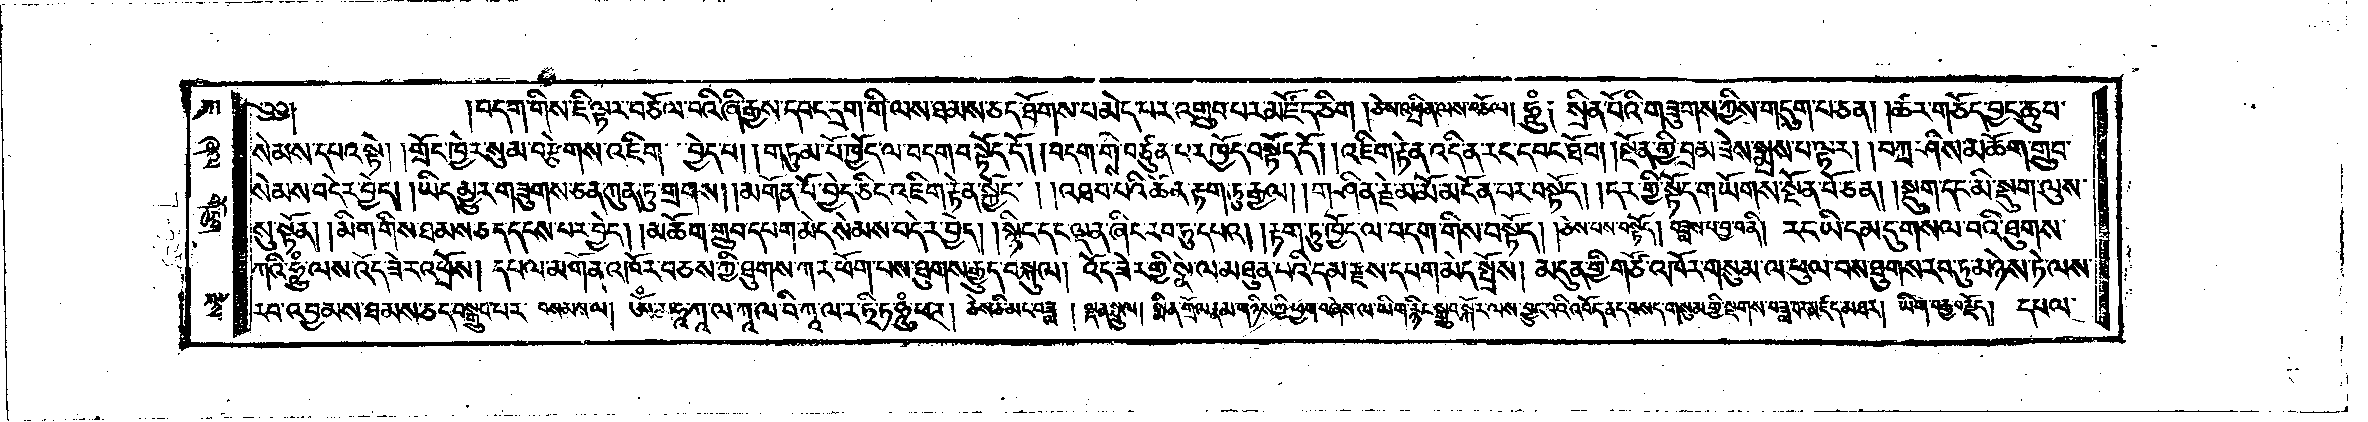༄༅། །བདག་གིས་ཇི་ལྟར་བཅོལ་བའི་ཞི་རྒྱས་དབང་དྲག་གི་ལས་ཐམས་ཅད་ཐོགས་པ་མེད་པར་འགྲུབ་པར་མཛོད་ཅིག་།ཅེས་འཕྲིན་ལས་བཅོལ།  ཧཱུཾ༑ སྲིན་པོའི་གཟུགས་ཀྱིས་གདུག་པ་ཅན། །ཚར་གཅོད་བྱང་ཆུབ་
སེམས་དཔའ་སྟེ། །གྲོང་ཁྱེར་སུམ་བརྩེགས་འཇིག་བྱེད་པ། །གཏུམ་པོ་ཁྱོད་ལ་བདག་བསྟོད་དོ། །བདག་གིས་བཙུན་པར་ཁྱོད་བསྟོད་དོ། །འཇིག་རྟེན་འདི་ན་རང་དབང་ཐོབ། །སྔོན་གྱི་བྲམ་ཟེས་སྨྲས་པ་ལྟར། །བཀྲ་ཤིས་མཆོག་གྲུབ་
སེམས་བདེར་བྱེད། །ཡིད་མྱུར་གཟུགས་ཅན་ཀུན་ཏུ་གྲགས། །མགོན་པོ་བྱེད་ཅིང་འཇིག་རྟེན་སྐྱོང་། །འཐབ་བའི་ཚེན་རྟག་ཏུ་རྒྱལ། །གཤིན་རྗེ་མ་མོ་མངོན་པར་བསྟོད། །དར་གྱི་སྟོད་གཡོགས་སྔོན་པོ་ཅན། །སྡུག་དང་མི་སྡུག་ལུས་
སུ་སྟོན། །མིག་གིས་ཐམས་ཅད་དངས་པར་བྱེད། །མཆོག་གྲུབ་དཔག་མེད་སེམས་བདེར་བྱེད། །སྙིང་དང་ལྡན་ཞིང་རབ་ཏུ་དཔའ། །རྟག་ཏུ་ཁྱོད་ལ་བདག་གིས་བསྟོད། །ཅེས་པས་བསྟོད། བཟླས་པ་བྱ་བ་ནི།  རང་ཡི་དམ་དུ་གསལ་བའི་ཐུགས་
ཀའི་ཧཱུཾ་ལས་འོད་ཟེར་འཕྲོས། དཔལ་མགོན་འཁོར་བཅས་ཀྱི་ཐུགས་ཀར་ཕོག་པས་ཐུགས་རྒྱུད་བསྐུལ། འོད་ཟེར་གྱི་སྣེ་ལ་མཐུན་པའི་དམ་རྫས་དཔག་མེད་སྤྲོས། མདུན་གྱི་གཙོ་འཁོར་གསུམ་ལ་ཕུལ་བས་ཐུགས་རབ་ཏུ་མཉེས་ཏེ་ལས་
རབ་འབྱམས་ཐམས་ཅད་བསྒྲུབ་པར་བསམས་ལ།  ཨོཾ་མཧཱ་ཀཱ་ལ་ཀཱ་ལ་བི་ཀཱ་ལ་ར་ཏྲི་ཏ་ཧཱུཾ་ཕཊ། ཅེས་ཅི་མང་བཟླ། ལྡན་སྤྲུལ། སྨིན་གྲོལ་རྣམ་གཉིས་ཀྱི་ཕྱག་བཞེས་ལ་ཡིག་རྙིང་སྒྲུབ་སྐོར་ལས་བྱུང་བའི་འབོད་ནད་བསད་གསུམ་གྱི་སྔགས་བཟླ་བར་མཛད་མཐར། ཡིག་བརྒྱ་བརྗོད།  དཔལ་